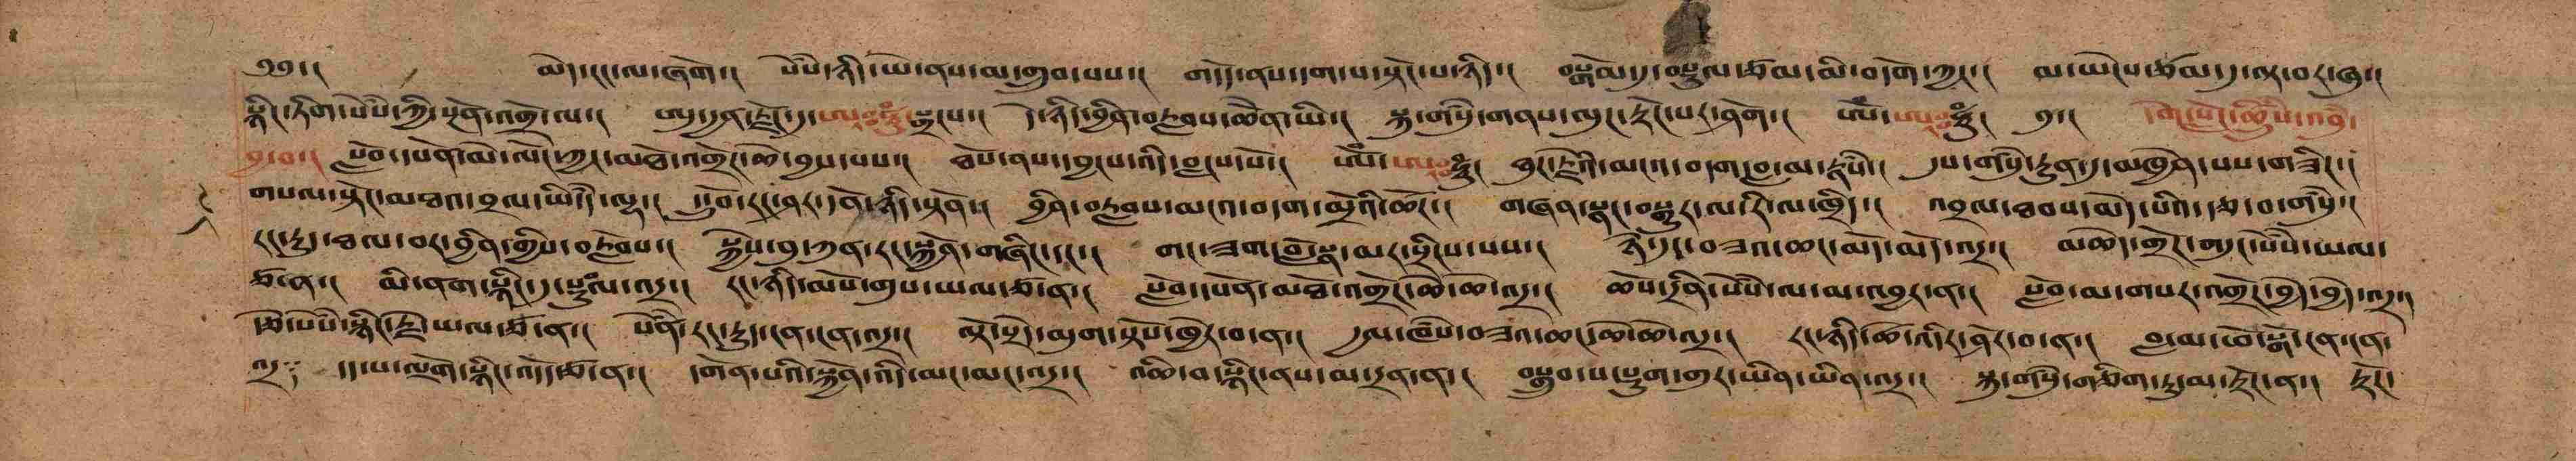༄༅།། མེད་ངང་ལ་ཞོག། སེམས་ཉིད་ཡེ་ནས་མ་གྲུབ་པ།། གདོད་ནས་དག་པ་སྟོང་པ་ཉིད།། བསྒོམ་དུ་རྡུལ་ཙམ་མི་བདོག་ཀྱང་།། མ་ཡེངས་ཙམ་དུ་ལྟ་བར་ཞུ།། 
སྙིང་ཏིག་སེམས་ཀྱི་སྔོན་འགྲོ་ལ།། ཨུ་རྒྱན་རྫོང་དུ་ཨཱཿཧཱུཾ་སྒྲངས།། དེ་ཉིད་བྱིན་བརླབས་ཆེན་པོ་ཡི།། སྐུ་གསུམ་གནས་ལུགས་རྟོགས་པར་ཤོག། ཨོཾ་ཨཱཿཧཱུཾ། ༄་། དགེ་སློང་ཚུལ་ཁྲིམས་འབུམ་
བྱ་བ།། སློབ་དཔོན་མེ་ལོང་ཀྱང་མཐོ་འགྲོགས་ཆེ་བྱས་པས།། ཐོས་ནས་དབྱངས་འདི་བླངས་སོ།། ཨོཾ་ཨཱཿཧཱུཾ། ཐུགས་རྗེའི་མངའ་བདག་བླ་མ་རྣམས།། དུས་གསུམ་རྒྱུན་དུ་མཁྱེན་པས་གཟིགས།། 
གསལ་སྟོང་མཐའ་བྲལ་ཡིད་དམ་ལྷ།། དངོས་གྲུབ་རང་ཤར་དོན་ཉིད་སྟོན།། བྱིན་རླབས་མངའ་བདག་མཁའ་འགྲོའི་ཚོགས།། གཞན་སྣང་བསྒྱུར་ལ་རི་ལ་ཁྲིད།། འབྲལ་ཐབས་མེད་པའི་རྩ་བ་གསུམ།། 
རང་རྒྱུད་ཐལ་བར་བྱིན་གྱིས་བརློབས།། སྐྱེས་བུ་ཀུན་ལ་རང་སྐྱོན་གཞིགས་དང་།། གང་ཟག་བློ་སྣ་མར་བསྲིངས་པས།། ཉེ་དུང་བཟའ་ཚང་མོད་མོད་འདྲ།། མཆེད་གྲོགས་གདུང་སེམས་ཡལ་
ཙ་ན།། མི་ནག་སྙིང་དུ་སྡུག་བསྔལ་འདྲ།། རང་ཉིད་མོས་གུས་ཡལ་ཙ་ན།། སློབ་དཔོན་མཐོ་འགྲོགས་ཆེ་ཆེ་འདྲ།། ཆོས་དྲིན་སེམས་ལ་མ་འབྱར་ན།། སློབ་་གསར་འགྲོགས་བྱེད་བྱེད་འདྲ།། 
བརྩེ་སེམས་སྙིང་རྗེ་ཡལ་ཙ་ན།། སེམས་ཅན་རང་རྒྱུད་ངན་ངན་འདྲ།། ལྟོ་སྲེད་མུག་སྟོས་ཁྱེར་བ་ན།། རྒྱལ་ཁམས་བཟའ་ཆང་ཆེ་ཆེ་འདྲ།། རང་ཉིད་ཚེ་འདིར་ཤོར་བ་ན།། བླ་མ་ཕོ་སྒོ་ངན་ངན་
འདྲ།། དད་པ་ལྡོག་སྙིང་འདོད་ཙ་ན།། དགོན་པའི་སྐྱོན་འདི་མང་མང་འདྲ།། འཆི་བ་སྙིང་ནས་མ་དྲན་ན།། སྒྲུབ་པ་སྡུག་གུར་ཡིན་ཡིན་འདྲ།། སྐུ་གསུམ་གཅིག་ཏུ་མ་རྟོགས་ན།། རྟོགས་